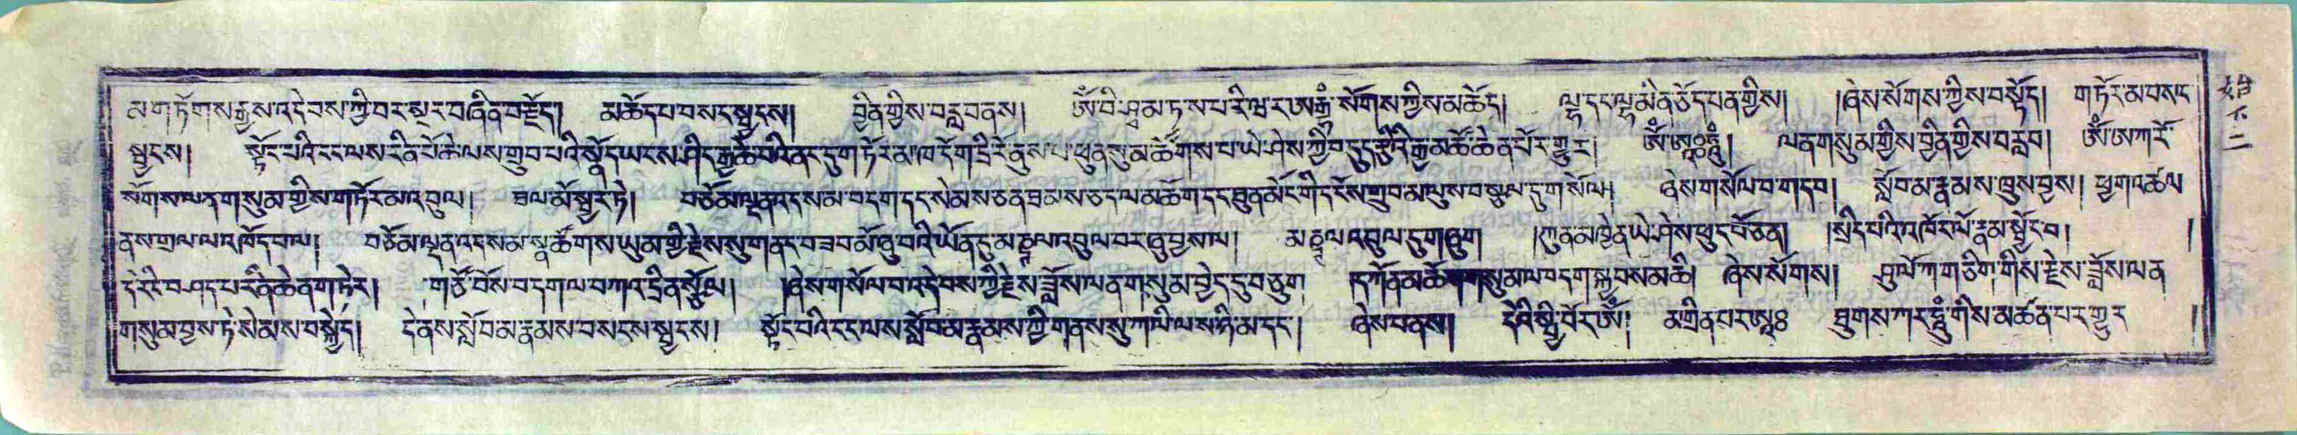མ་གཏོགས་རྒྱས་འདེབས་ཀྱི་བར་སྔར་བཞིན་བརྗོད། མཆོད་པ་བསང་སྦྱངས། བྱིན་གྱིས་
བརླབ་ནས། ཨོཾ་བི་ཤྭ་མ་ཏ་ས་པ་རི་ཝ་ར་ཨརྒྷཾ་སོགས་གྱིས་མཆོད། ལྷ་དང་ལྷ་མིན་ཆོད་པན་གྱིས། །ཞེས་སོགས་ཀྱིས་བསྟོད། གཏོར་མ་བསང་སྦྱངས་།
སྟོང་པའི་ངང་ལས་རིན་པོ་ཆེ་ལས་གྲུབ་པའི་སྣོད་ཡངས་ཤིང་རྒྱ་ཆེ་བའི་ནང་དུ་གཏོར་མ་ཁ་དོག་དྲི་རོ་ནུས་པ་ཕུན་སུམ་ཚོགས་པ་ཡེ་ཤེས་ཀྱི་བདུད་རྩིའི་རྒྱ་མཚོ་ཆེན་པོར་གྱུར། ཨོཾ་ཨཱཿ ཧཱུཾ། ལན་
གསུམ་གྱིས་བྱིན་གྱིས་བརླབ། ཨོཾ་ཨ་ཀ་རོ་སོགས་ལན་གསུམ་གྱིས་གཏོར་མ་འབུལ། ཐལ་མོ་སྦྱར་ཏེ། བཅོམ་ལྡན་འདས་མ་བདག་དང་སེམས་ཅན་ཐམས་ཅད་ལ་མཆོག་དང་
ཐུན་མོང་གི་དངོས་གྲུབ་མ་ལུས་བསྩལ་དུ་གསོལ། ཞེས་གསོལ་བ་གདབ། སློབ་མ་རྣམས་ཁྲུས་བྱས། ཕྱག་འཚལ་ནས་གྲལ་ལ་འཁོད་པ་ལ། བཅོམ་ལྡན་འདས་མ་སྣ་ཚོགས་ཡུམ་གྱི་རྗེས་སུ་གནང་བ་ཟབ་མོ་ཞུ་བའི་ཡོན་དུ་མཎྚལ་འབུལ་པར་ཞུ་བྱས་ལ། མཎྚལ་འཕུལ་དུ་གཞུག །ཀུན་མཁྱེན་ཡེ་ཤེས་ཕུང་པོ་ཅན། །སྲིད་
པའི་འཁོར་ལོ་རྣམ་སྦྱོང་བ། །དེ་རིང་བཤད་པ་རིན་ཆེན་གཏེར། །གཙོ་བོས་བདག་ལ་བཀའ་དྲིན་སྩོལ། །ཞེས་གསོལ་བ་འདེབས་ཀྱི་རྗེས་ཟློས་ལན་གསུམ་བྱེད་དུ་བཅུག་
དཀོན་མཆོག་གསུམ་ལ་བདག་སྐྱབས་མཆི། ཞེས་སོགས། ཤུ་ལོ་ཀ་གཅིག་གིས་རྗེས་ཟློས་ལན་གསུམ་བྱས་ཏེ་སེམས་བསྐྱེད། དེ་ནས་སློབ་མ་རྣམས་བསངས་
སྦྱངས༑ སྟོང་པའི་ངང་ལས་སློབ་མ་རྣམས་ཀྱི་གནས་སུ་ཀ་ལི་ལ་ས་?་ཉི་མ་དང་། ཞེས་པ་ནས། དེའི་སྤྱི་བོར་ཨོཾ། མགྲིན་པར་ཨཱཿ ཐུགས་
ཀར་ཧཱུཾ་གིས་མཚན་པར་གྱུར།